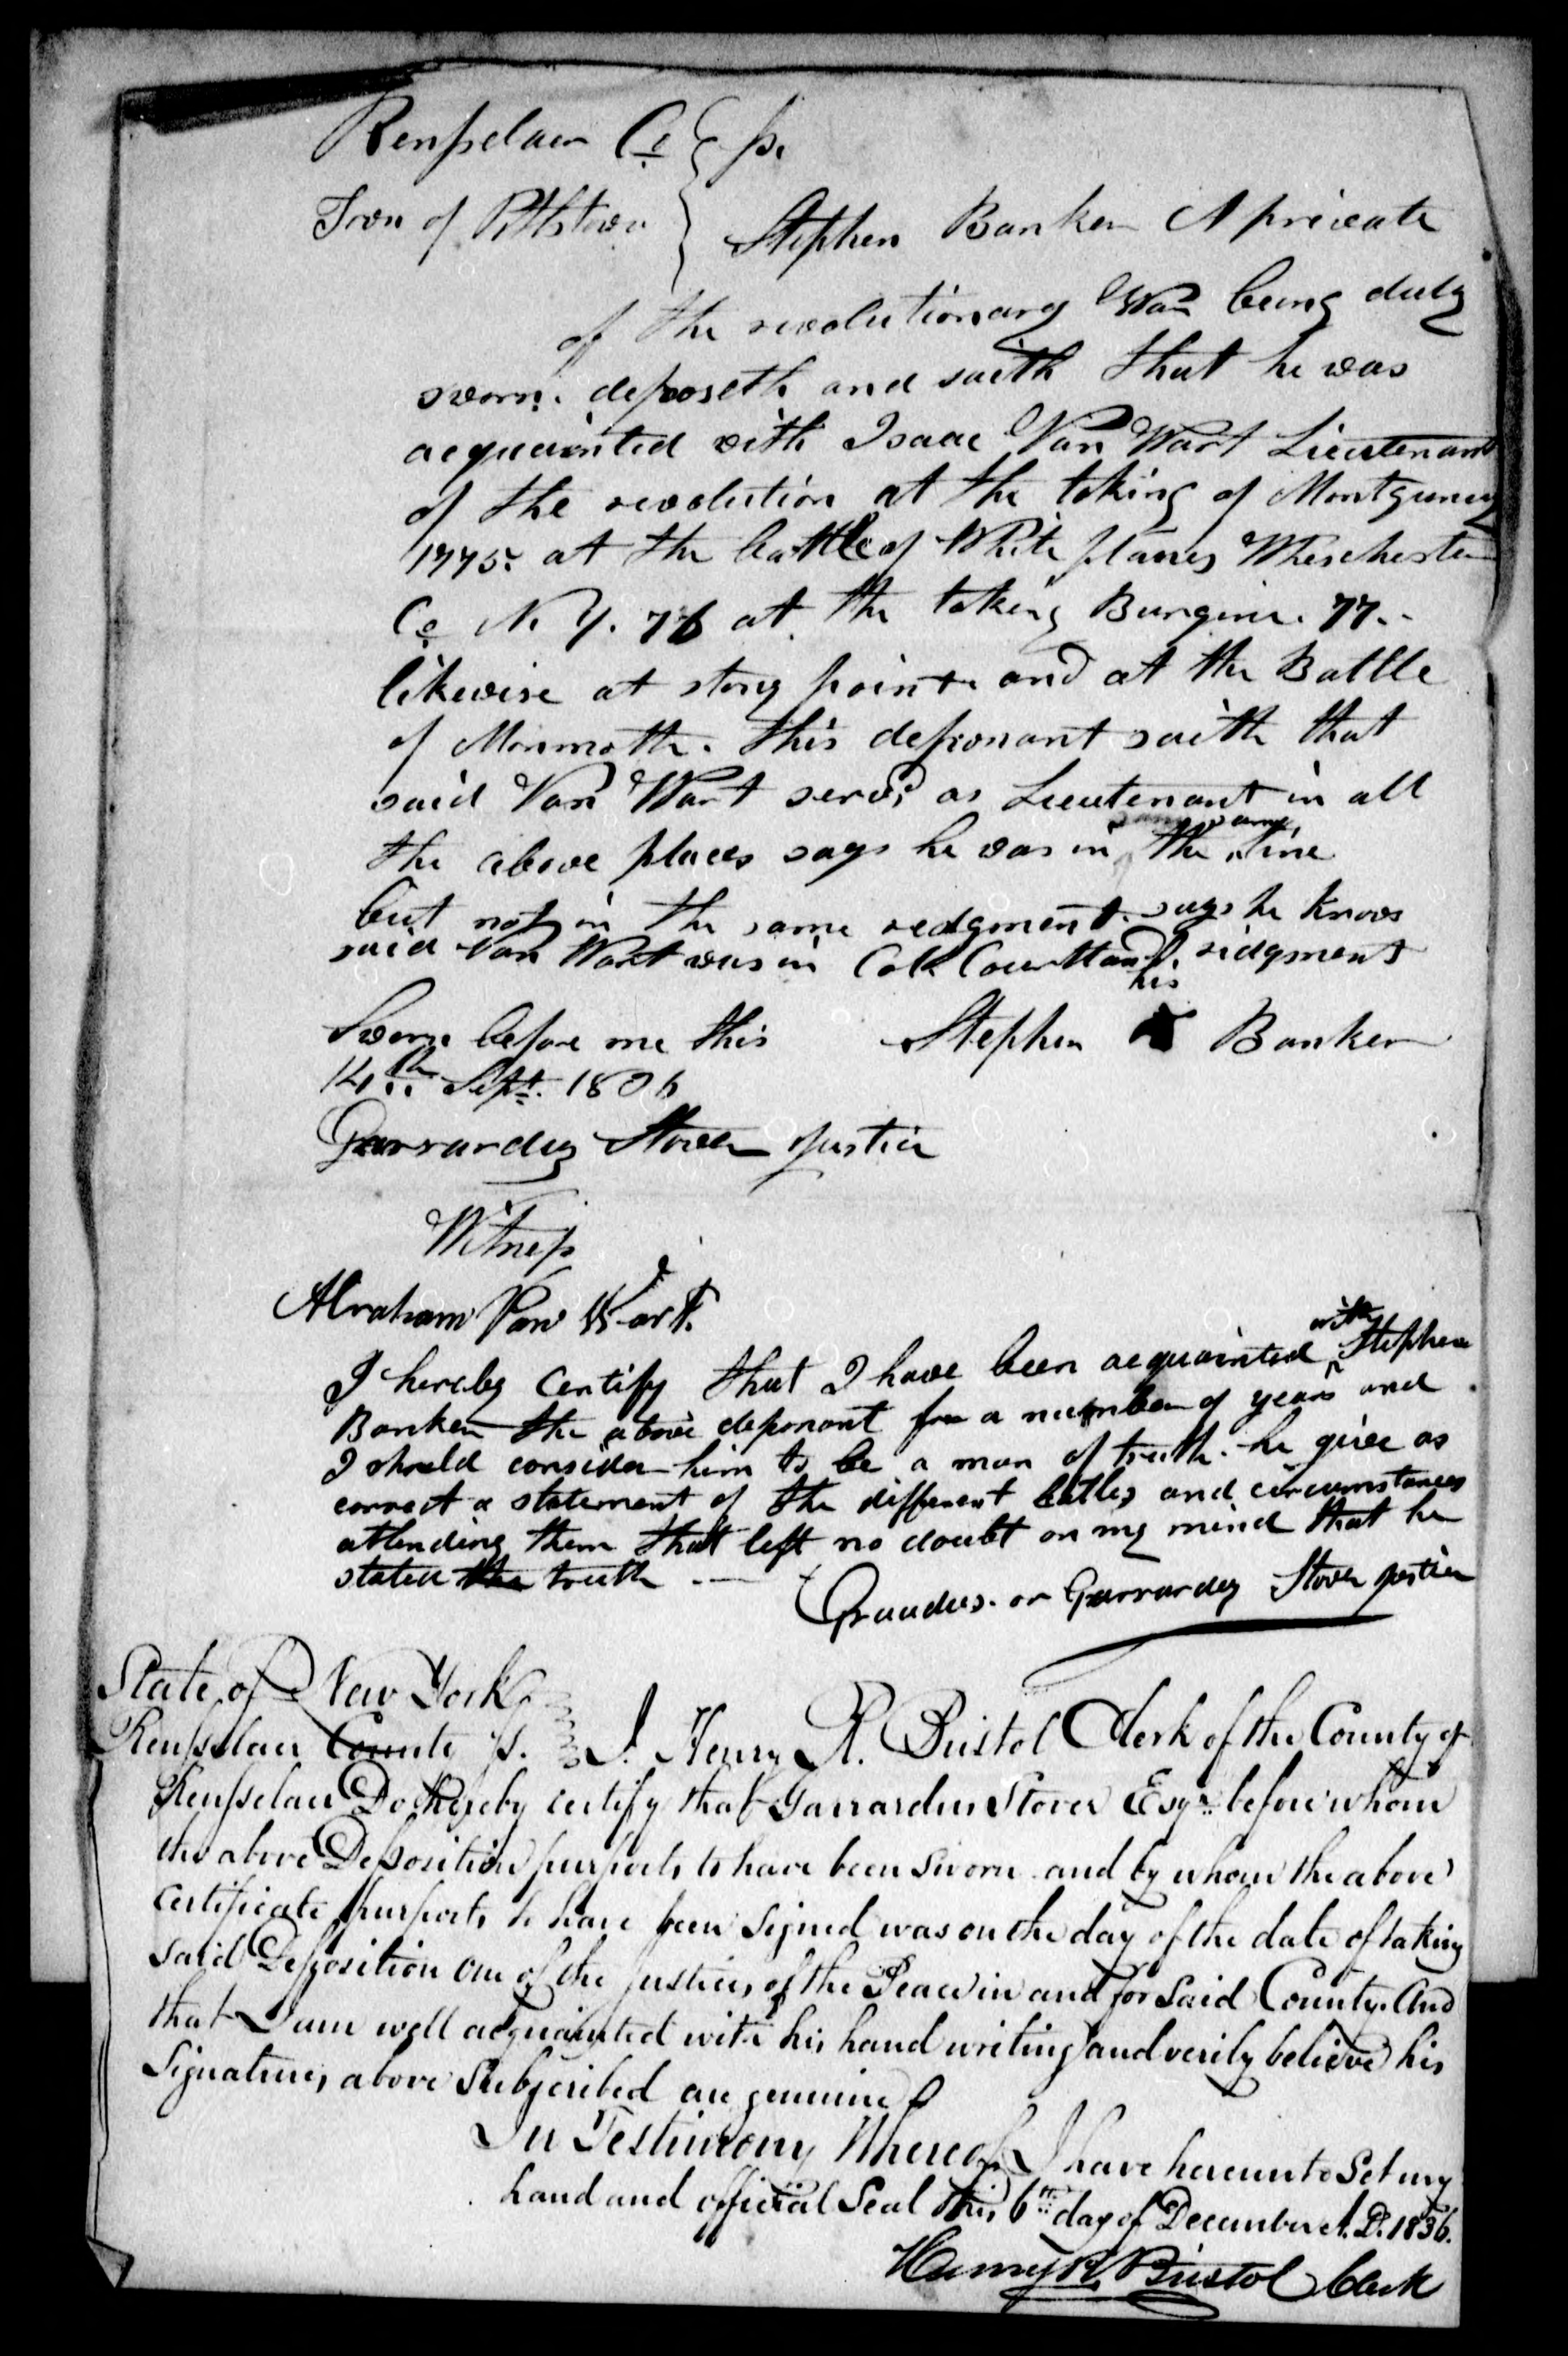Rensselaer Co.
Town of Pittstown } ss.  Stephen Banker A private of the revolutionary War being duly sworn deposeth and saith that he was acquainted with Isaac Van Wart Lieutenant of the revolution at the taking of Montgomery 1775, at the battle of White Planes Westchester Co N. Y. 76 at the taking Burgoine 77, likewise at stony point and at the Battle of Monmoth [Monmouth] this deponent saith that said Van Wart served as Lieutenant in all the above places says he was in the same line but not in the same redgment. says he knows said Van Wart was in Col Courtland ridgment 
[signed] Stephen Banker X his [mark]
Sworn before me this 14th Sept. 1836 
[signed] Garrardus Stover Justice 
Witness Abraham Van Wart 
I hereby certify that I have been acquainted with Stephen Banker the above deponent for a number of years and I should consider him to be a man of truth. he gives as correct a statement of the different battles and circumstances attending them that left no doubt on my mind that he stated the truth 
[signed] Graudus or Garrardus Stover Justice 
State of New York 
Rensselaer County ss.  I, Henry R. Bristol Clerk of the County of Rensselaer Do hereby certify that Garrardus Stover Esq before whom the above Deposition purports to have been sworn and by whom the above Certificate purports to have been signed was on the day of the date of taking said Disposition one of the Justice of the Peace in and for said County. And that I am well acquainted with his hand writing and verily believe his Signatures above subscribed are genuine
In Testimony Whereof I have hereunto set my hand and official Seal this 6th day of December A.D. 1836. Henry R. Bristol Clerk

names: Garrardey Stover, Abraham Van Wart, Isaac Van Wart, Van Wart, Stephen Banker, Stephen Banker, Grandas Stover, Garrardey Stover, Garrardey Stover, Henry R Bristol, Stephen Banker, Van Wart, Henry R Bristol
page: 70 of 102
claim: widow's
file: W. 18239, Isaac Van Wart, New York